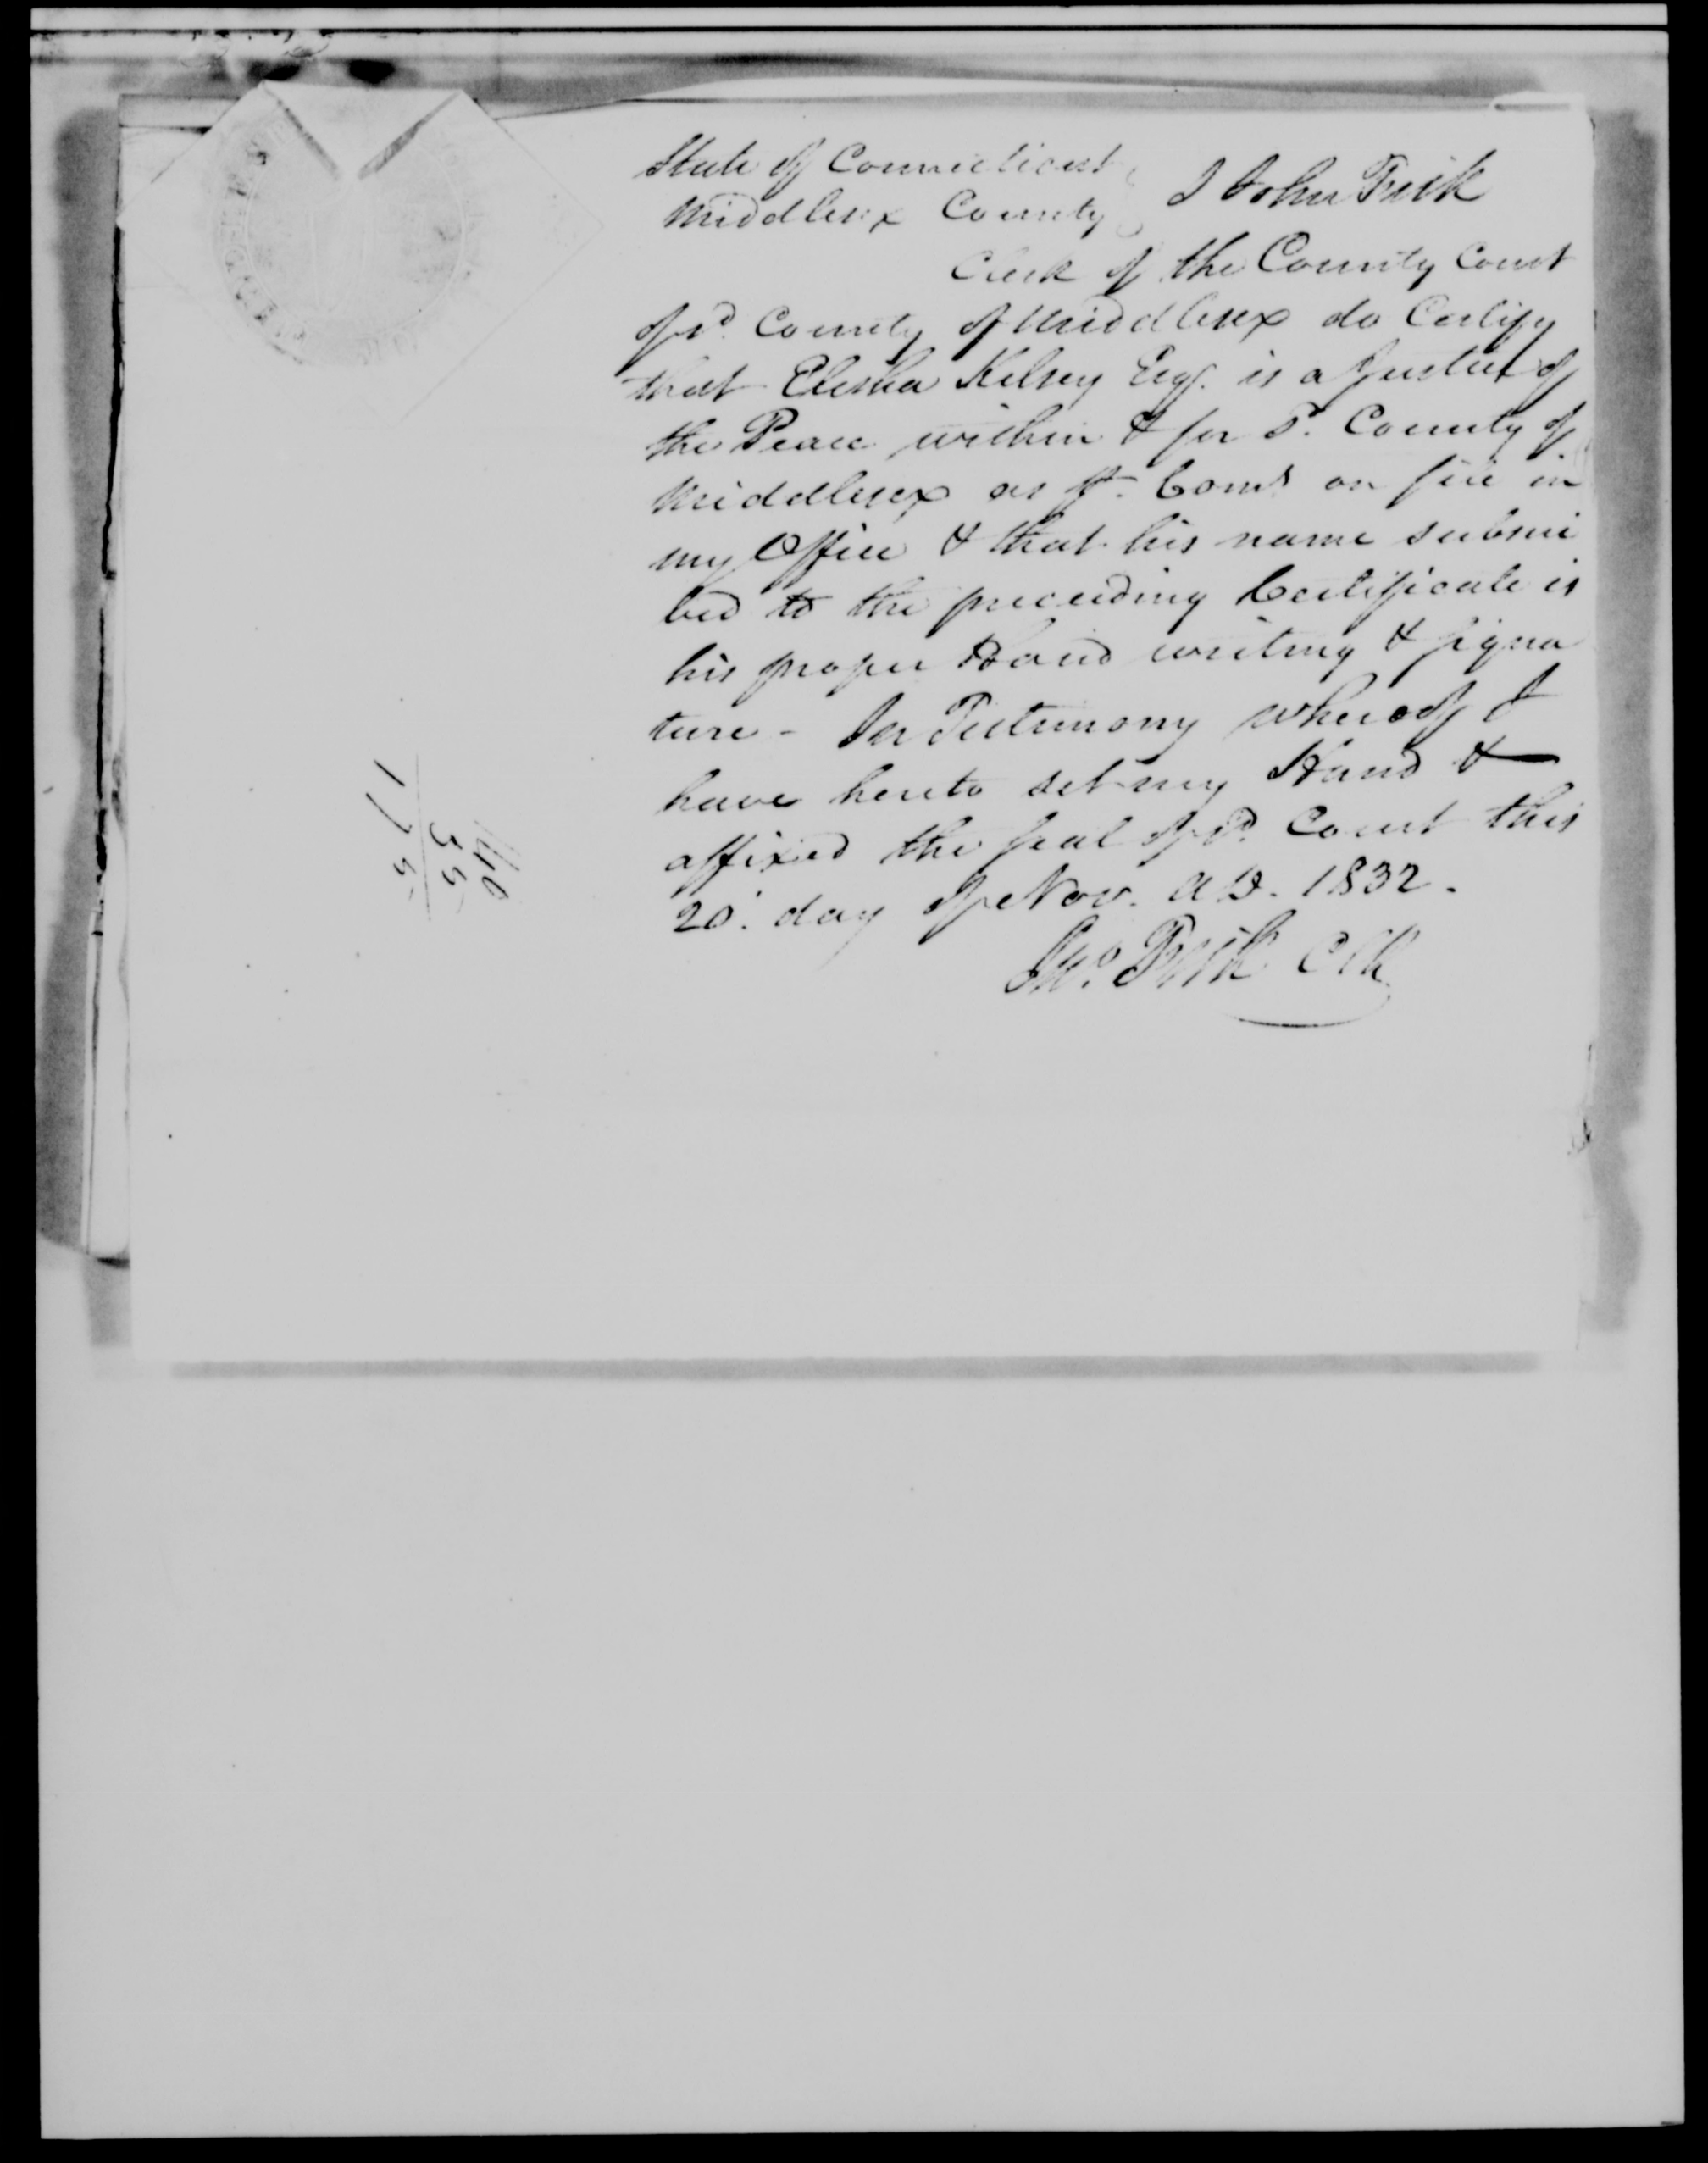State of Connecticut, Middlesex County
I John Fisk Clerk of the County Court of sd County of Middlesex do Certify that Elisha Kelsey Esq is a Justice of the Peace within & for sd County of Middlesex as ft. Coms on file in my Office & that his name subscribed to the preceeding Certificate is his proper hand writing & signature - Intestimony whereof I have hereto set my Hand & affixed the seal of sd Court this 20 day of Nov. AD. 1832.
Jno Fisk Clk
140
55
175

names: Elisha Kelsey, John Fisk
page: 22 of 46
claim: widow's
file: W. 18,417, James Willcox, Conn.